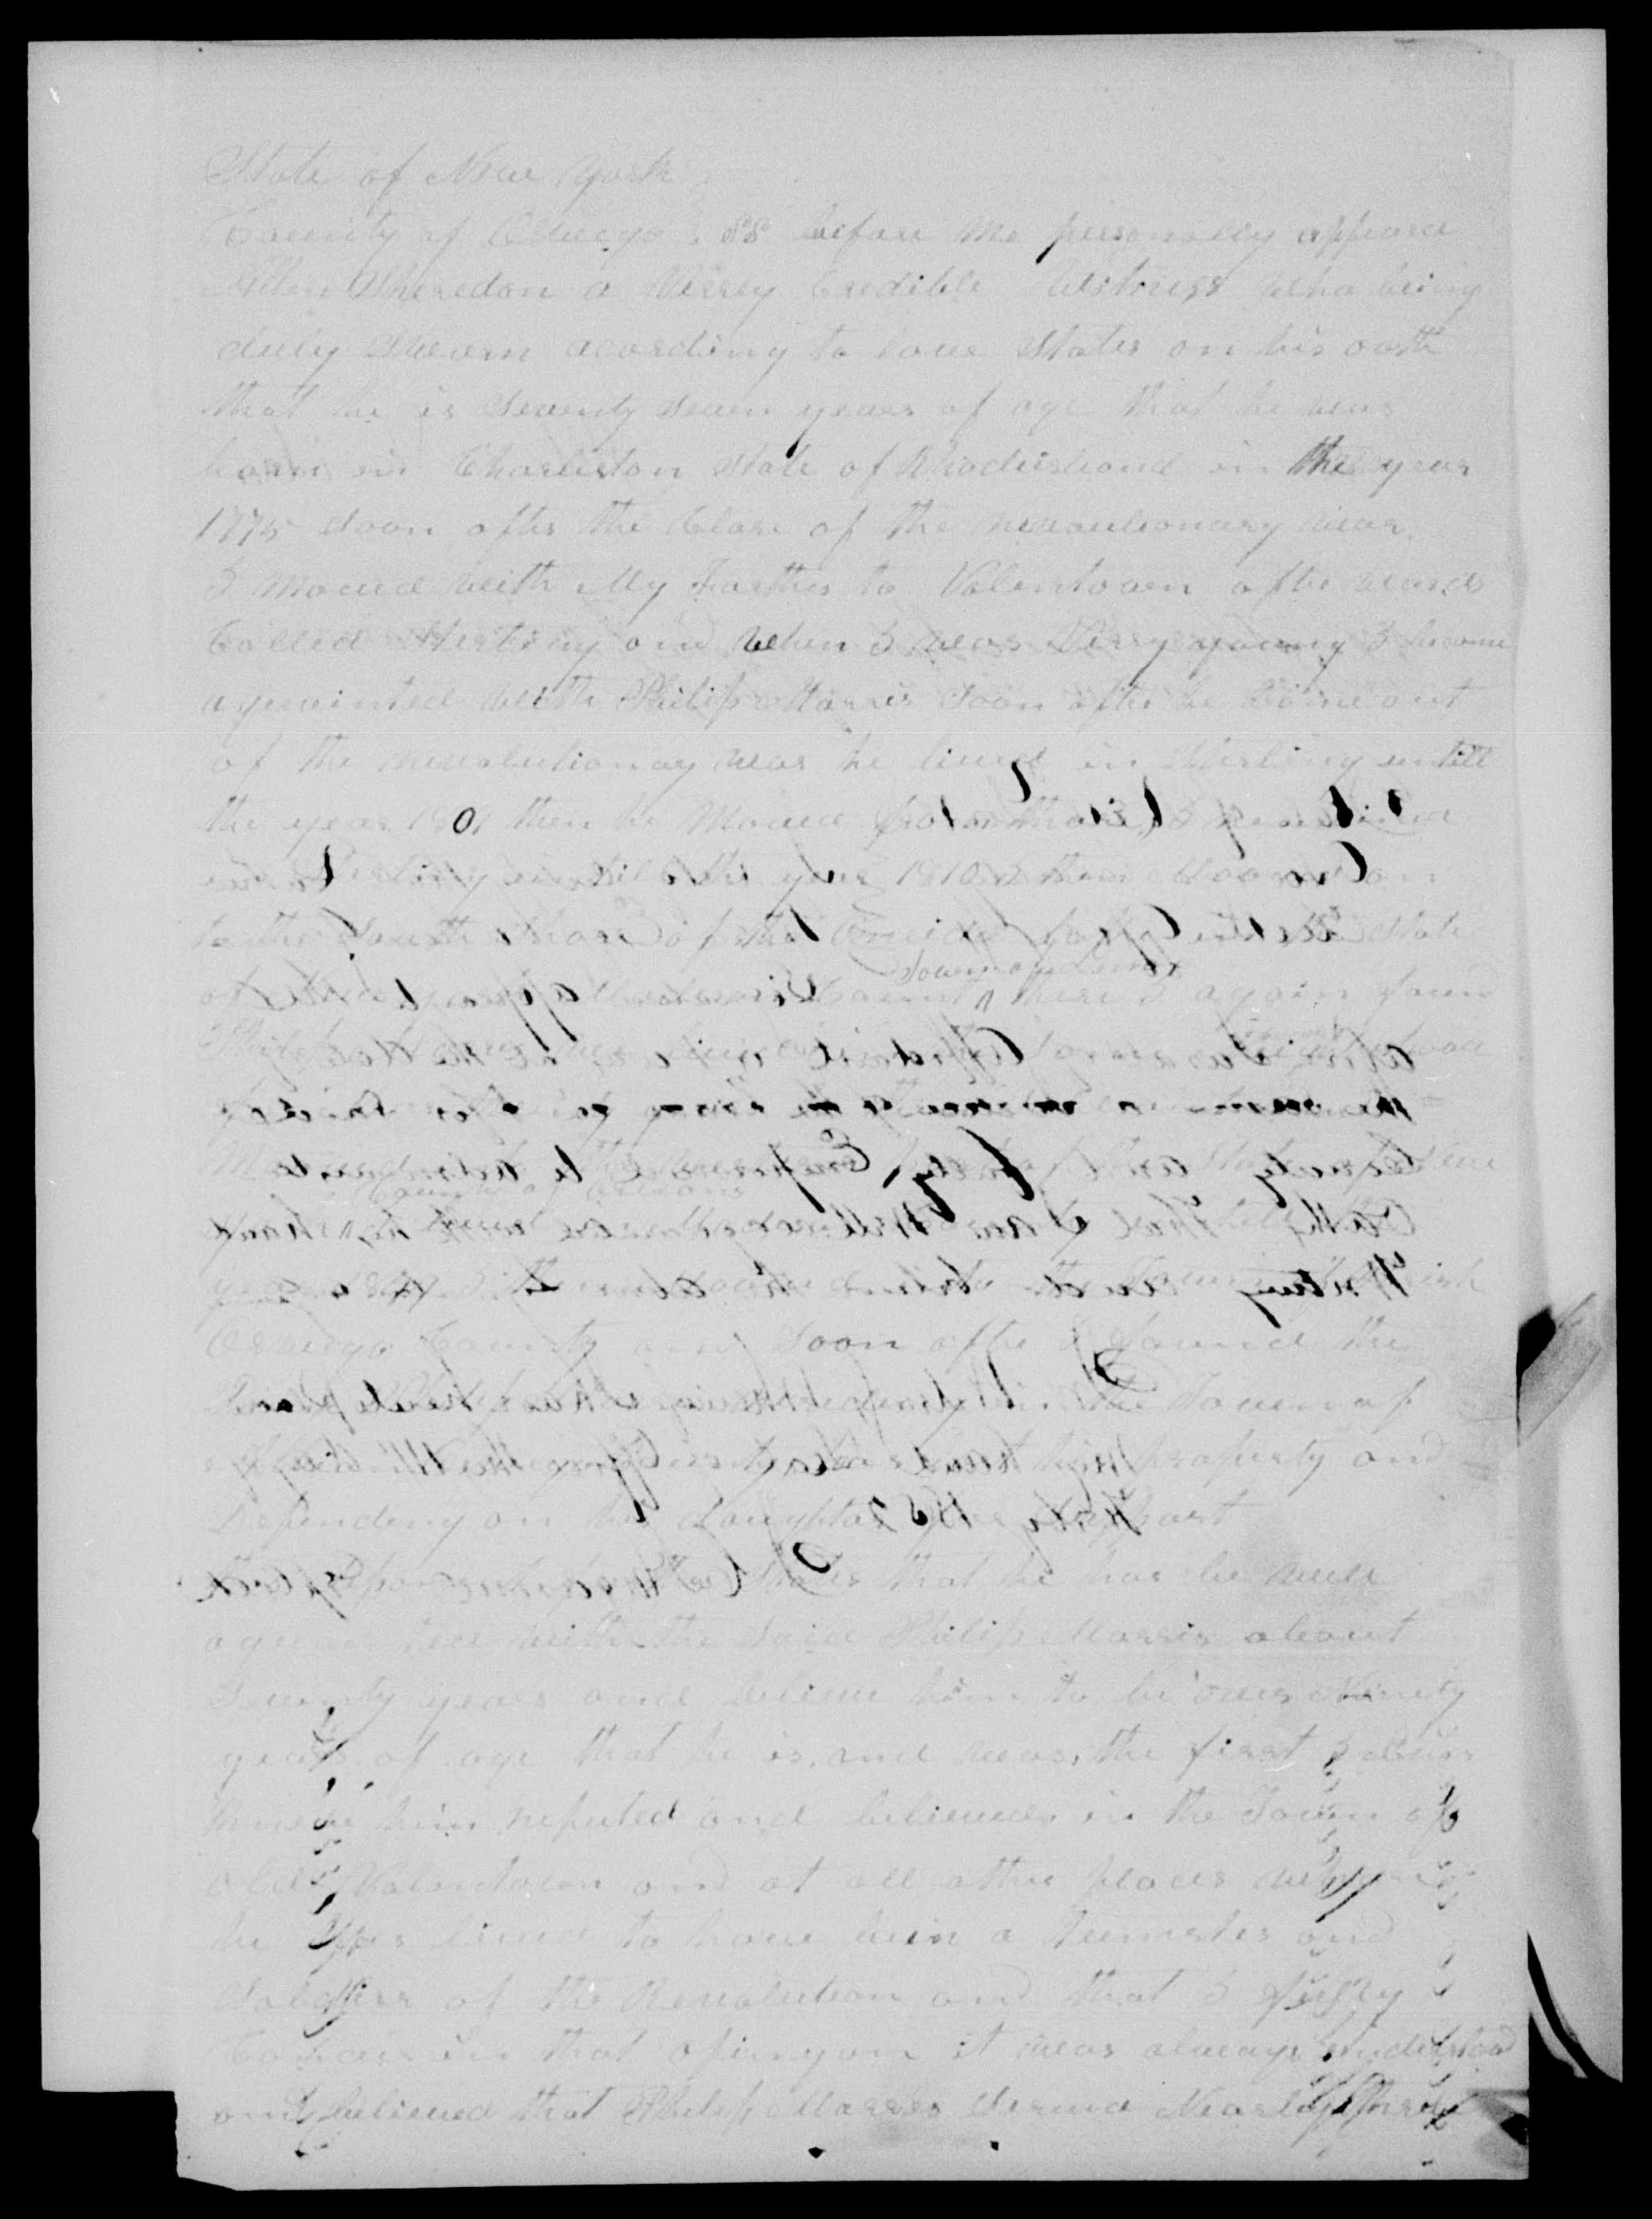[handwritten]

State of New York}
County of Oswego} ss Before me personally appeared Allen Sheridan a verily credible witness who being duly sworn according to law States on his oath that he is seventy seven years of age That he was born in Charlestown State of Rhode Island in the year 1775 soon after the close of the revolutionary war, I moved with my father to Valentown afterwards called Sterling and when I was very young I became acquainted with Philip Morris soon after he came out of the revolutionary war he lived in Sterling untill [sic] the year 1809 then he moved from there, I resided in Sterling until the year 1810, I then moved on farther south than of the [illegible] state of [illegible] there I again found [illegible] Oswego County and soon after found the [illegible] in the Town of [illegible] his property and dependency on his daughter for support 
[illegible] states that he has [illegible] with the said Philip Morris about seventy years and believe him to be over Ninety years of age that he is, and was, the first I [illegible] him reputed and believe, in the Town of Old Valentown and at all the places where he has lived to have been a [?] and Soldier of the Revolution and that I verily concur in that opinion and it was always understood and believed that Philip Morris served Nearly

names: Allen Sheridon; Philip Morris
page: 9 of 44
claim: survivor's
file: S. 28,815, for Philip Morris, Rhode Island